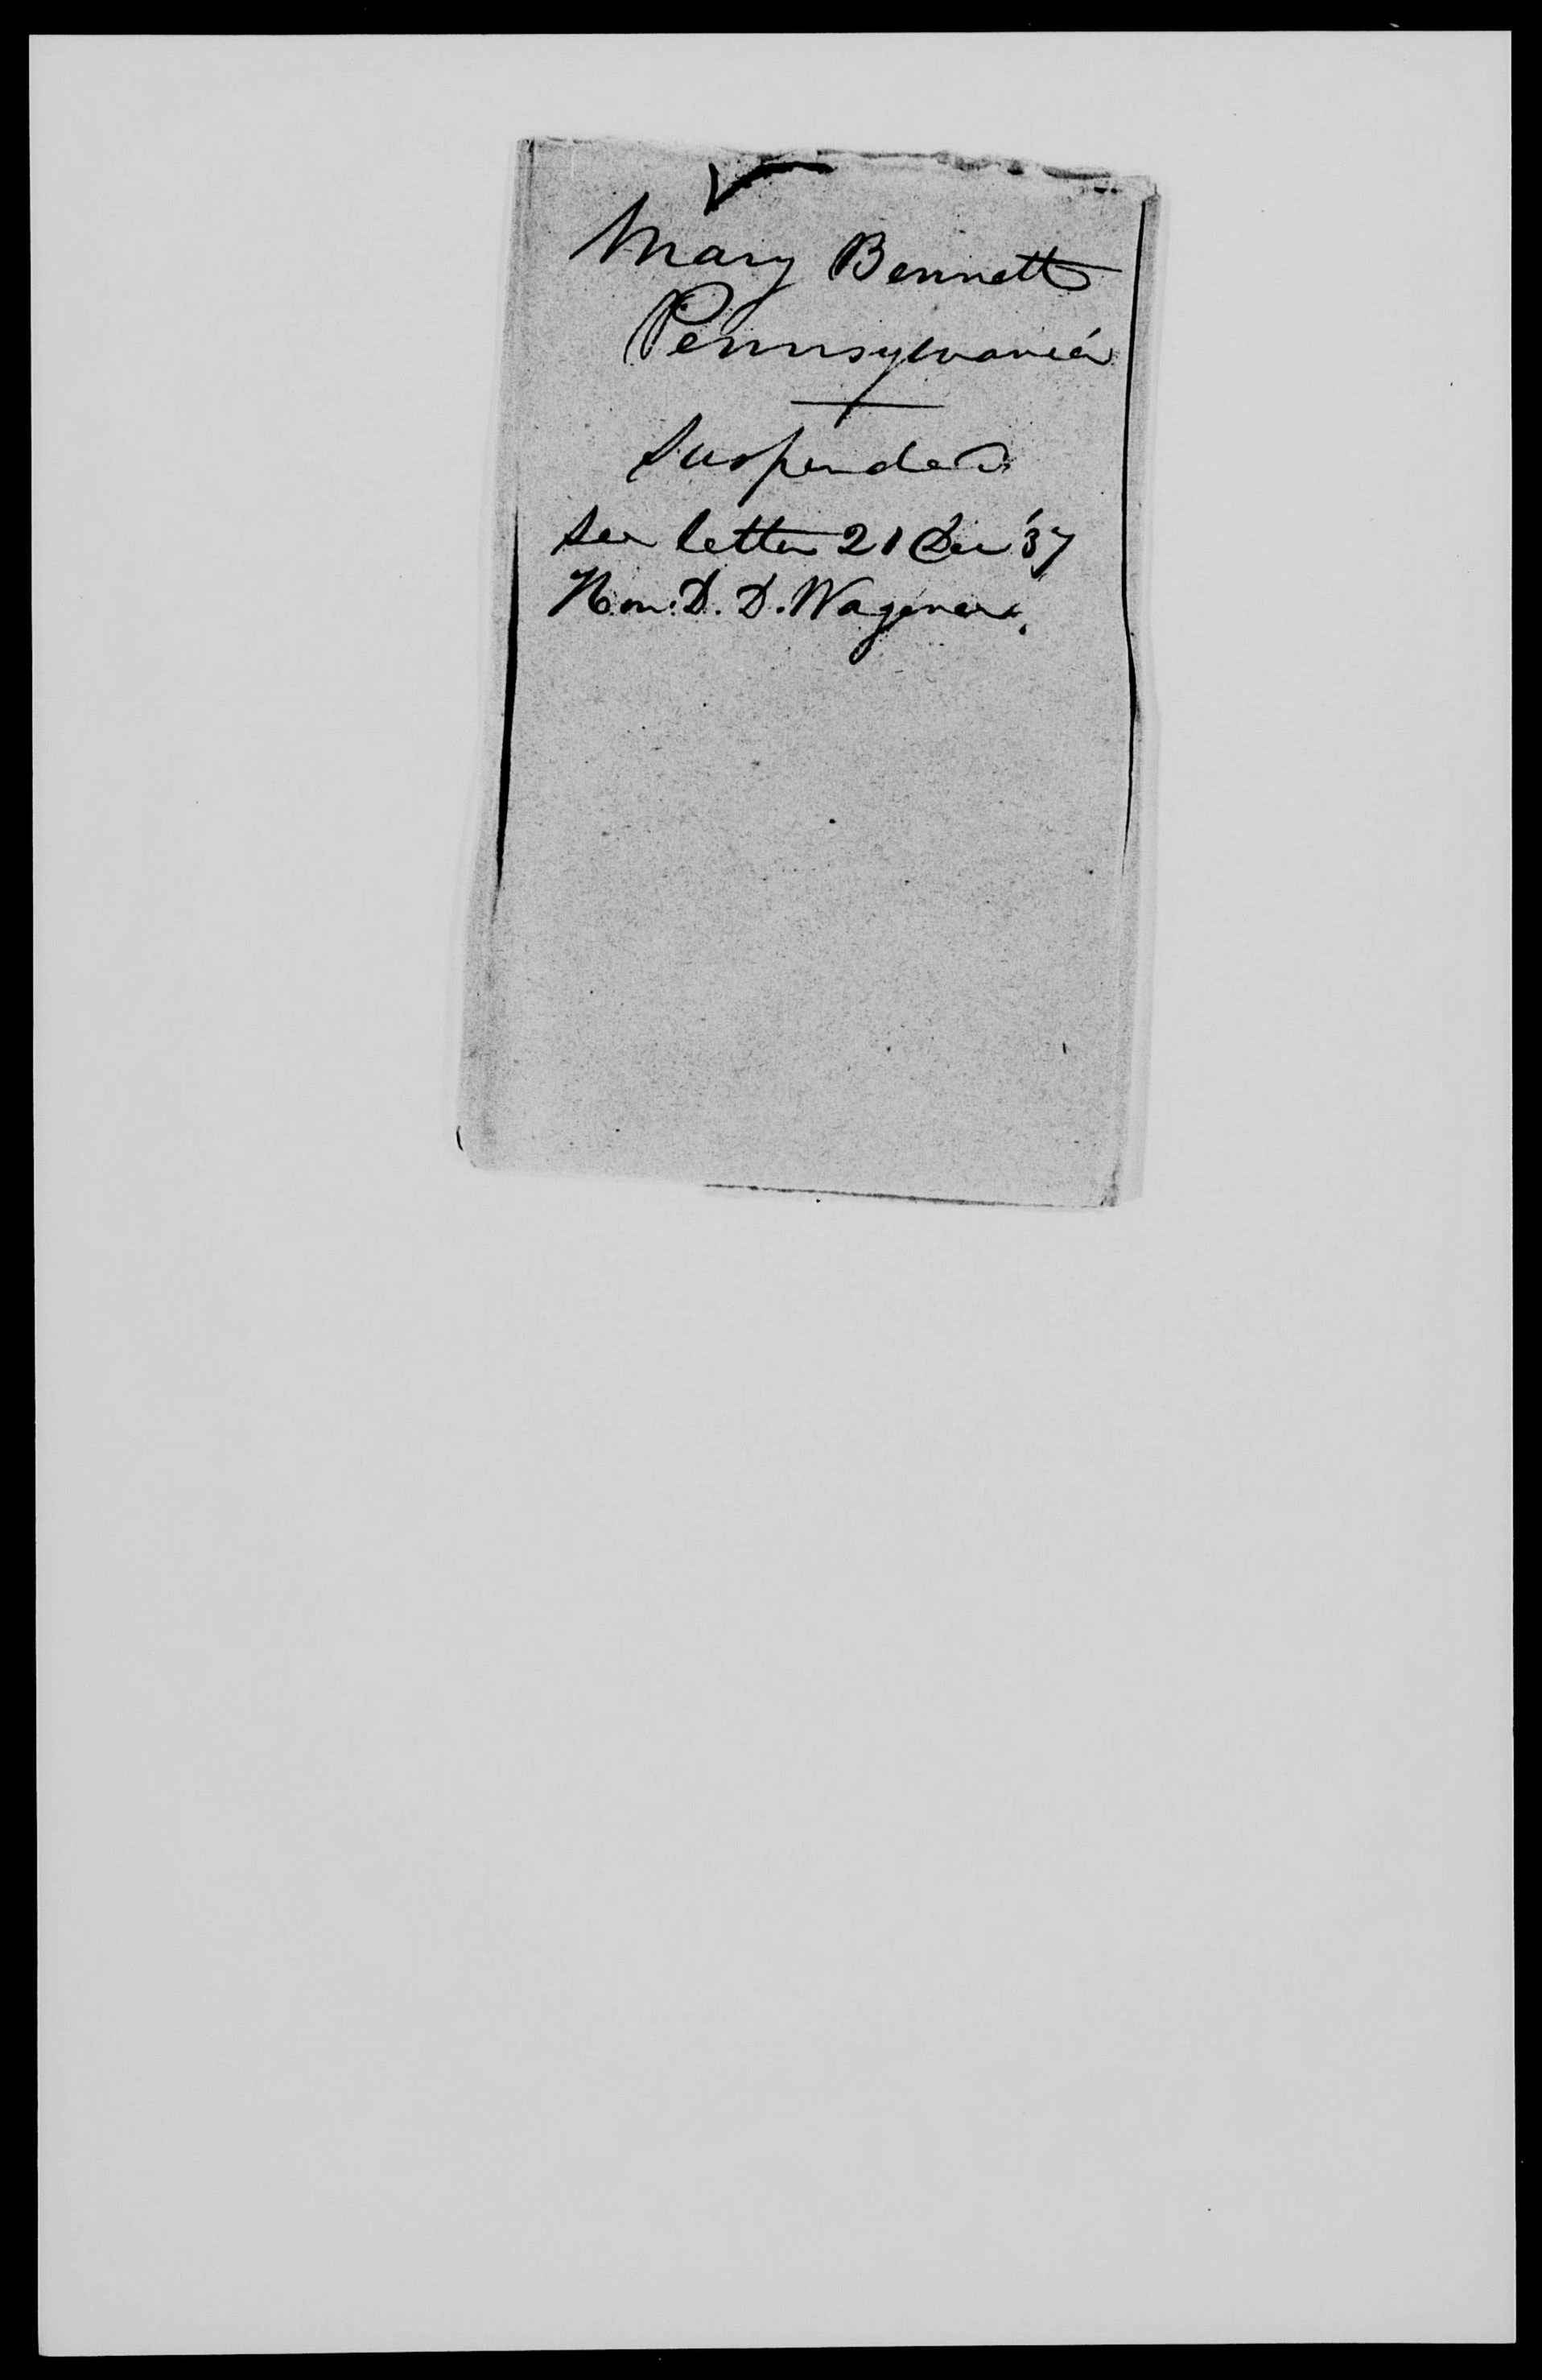Mary Bennett
Pennsylvania
Suspended
See letter 21 Dec '37
Hon. D. D. Wagener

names: D D Wagener, Mary Bennett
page: 15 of 79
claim: widow's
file: W. 2,906, Stephen Bennet, Conn.